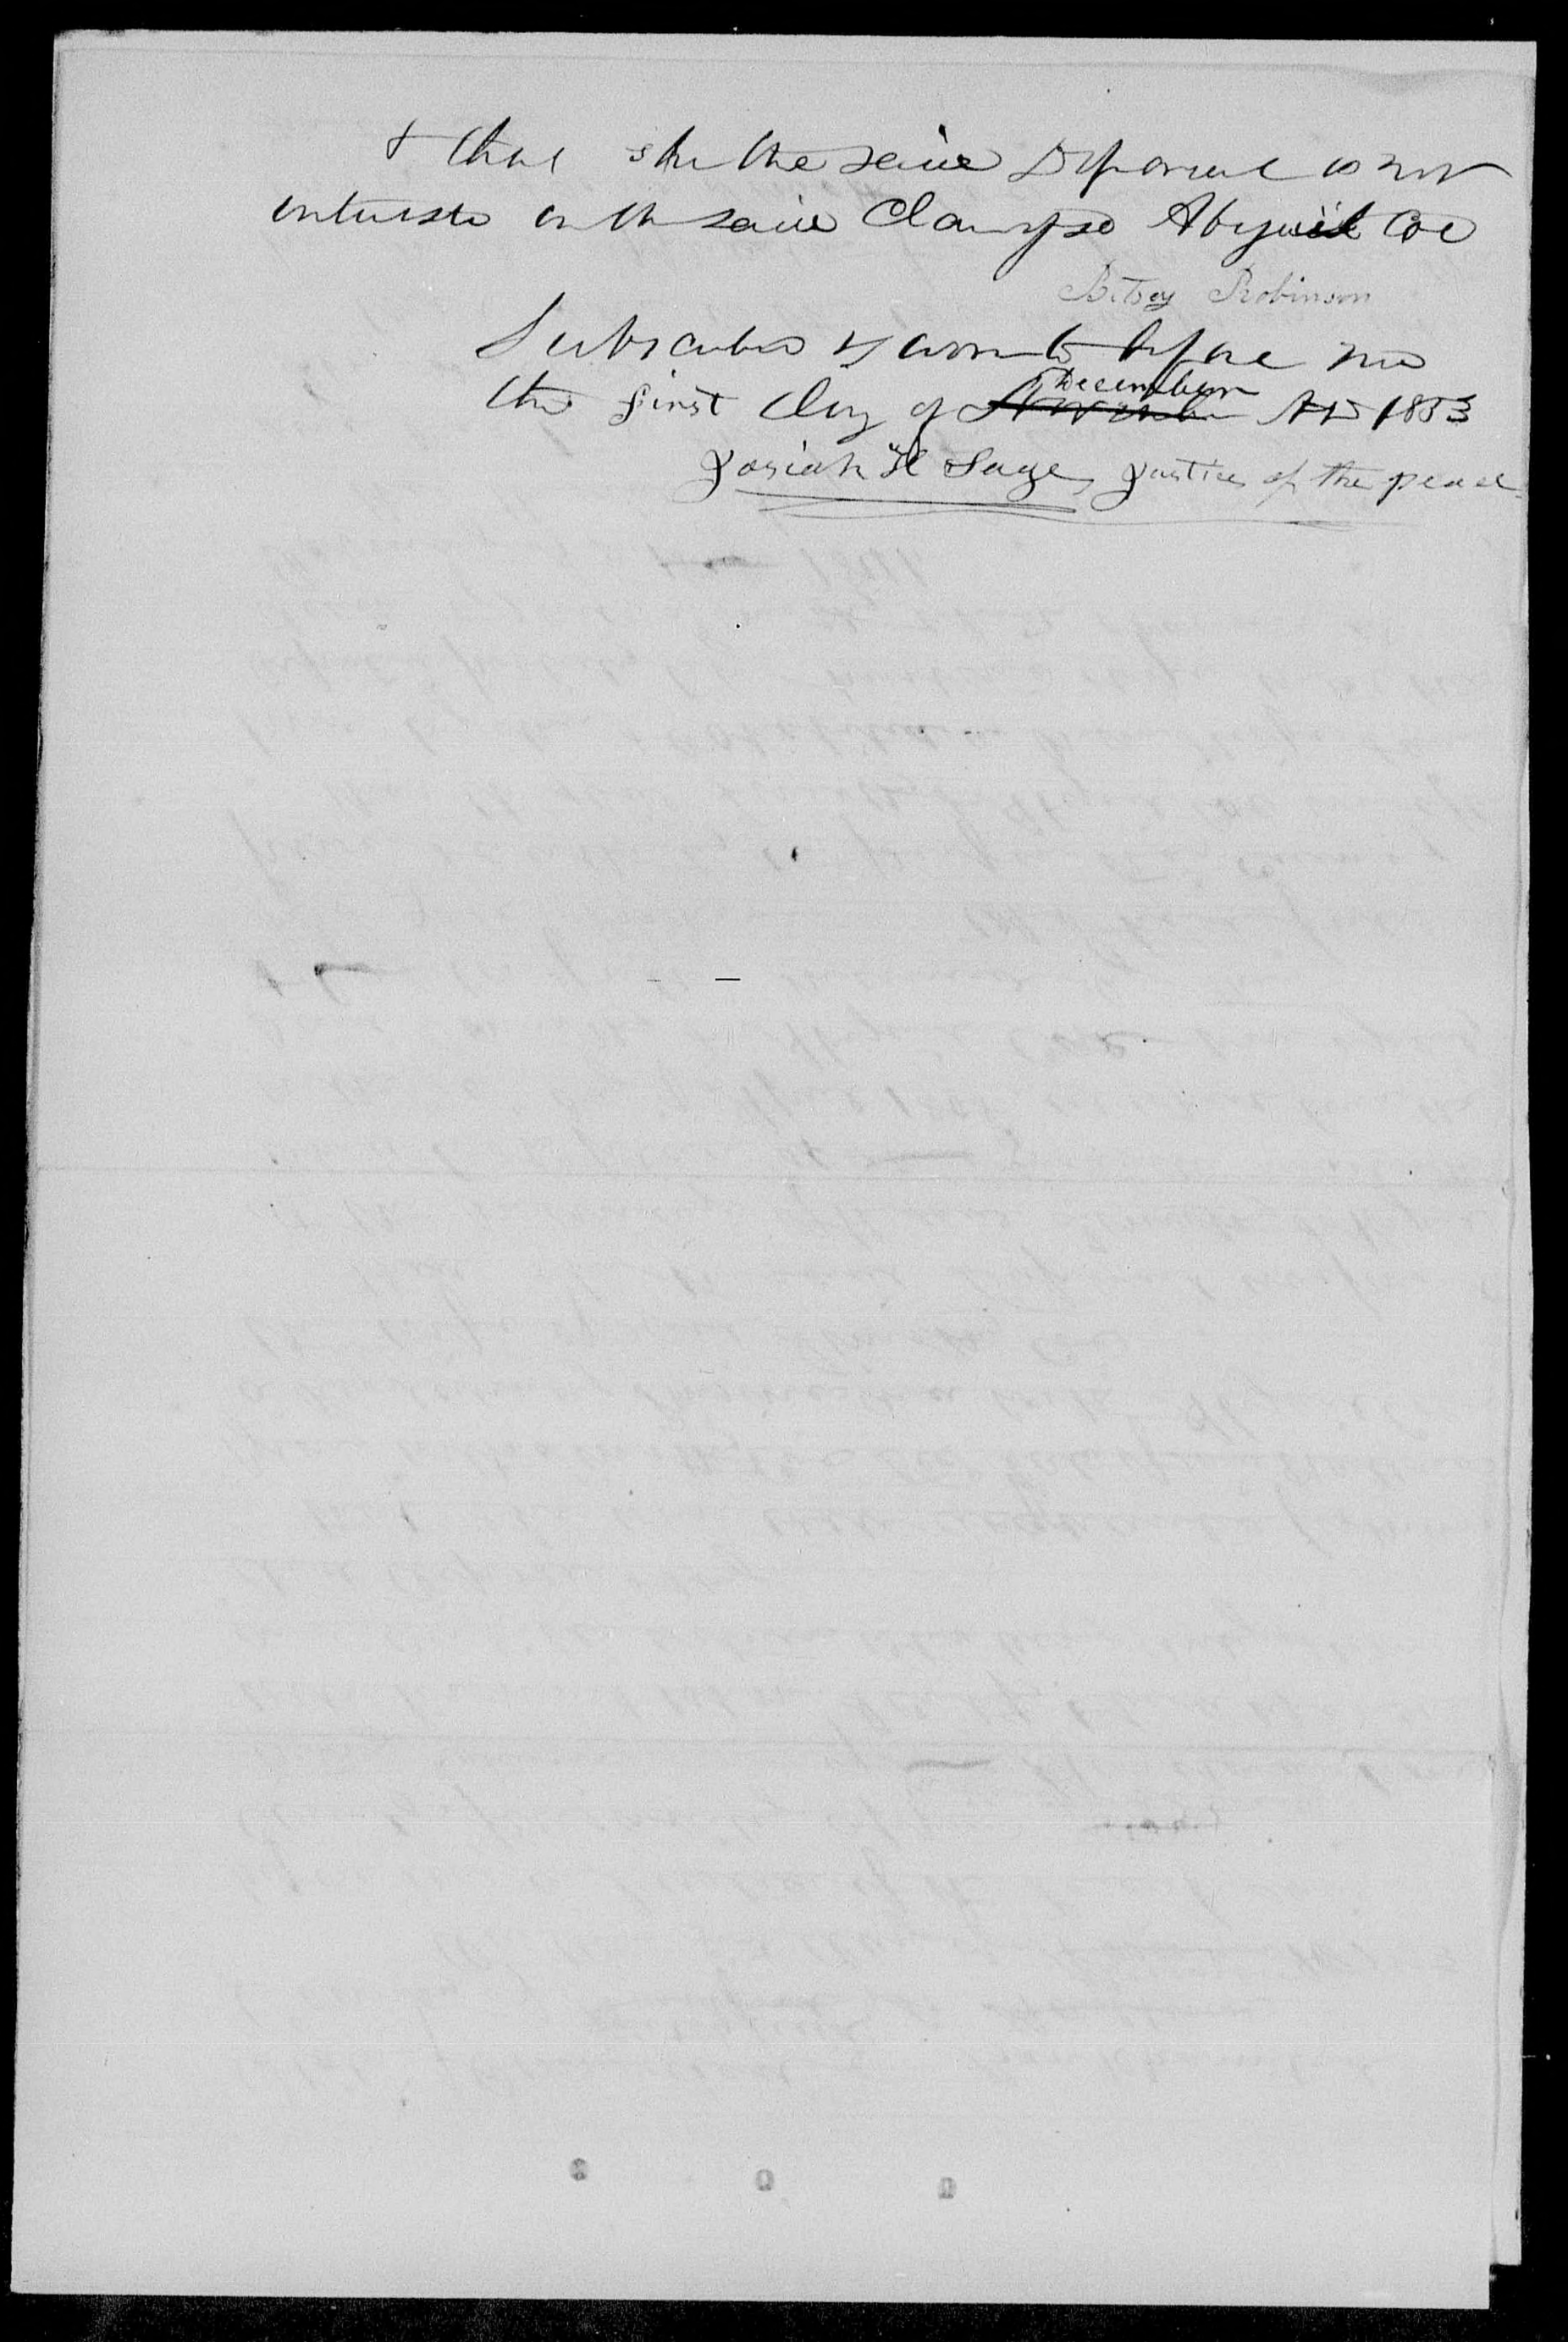& that she the said Deponent is not interested in the said case of Abigail Coe.
Betsey Robinson

Subscribed & sworn to before me the fist day of December AD 1853
Josiah H Sage Justice of the Peace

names: Josiah H Sage, Abigail Coe, Betsey Robinson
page: 64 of 76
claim: widow's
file: W. 5,250, Timothy Coe, Conn.